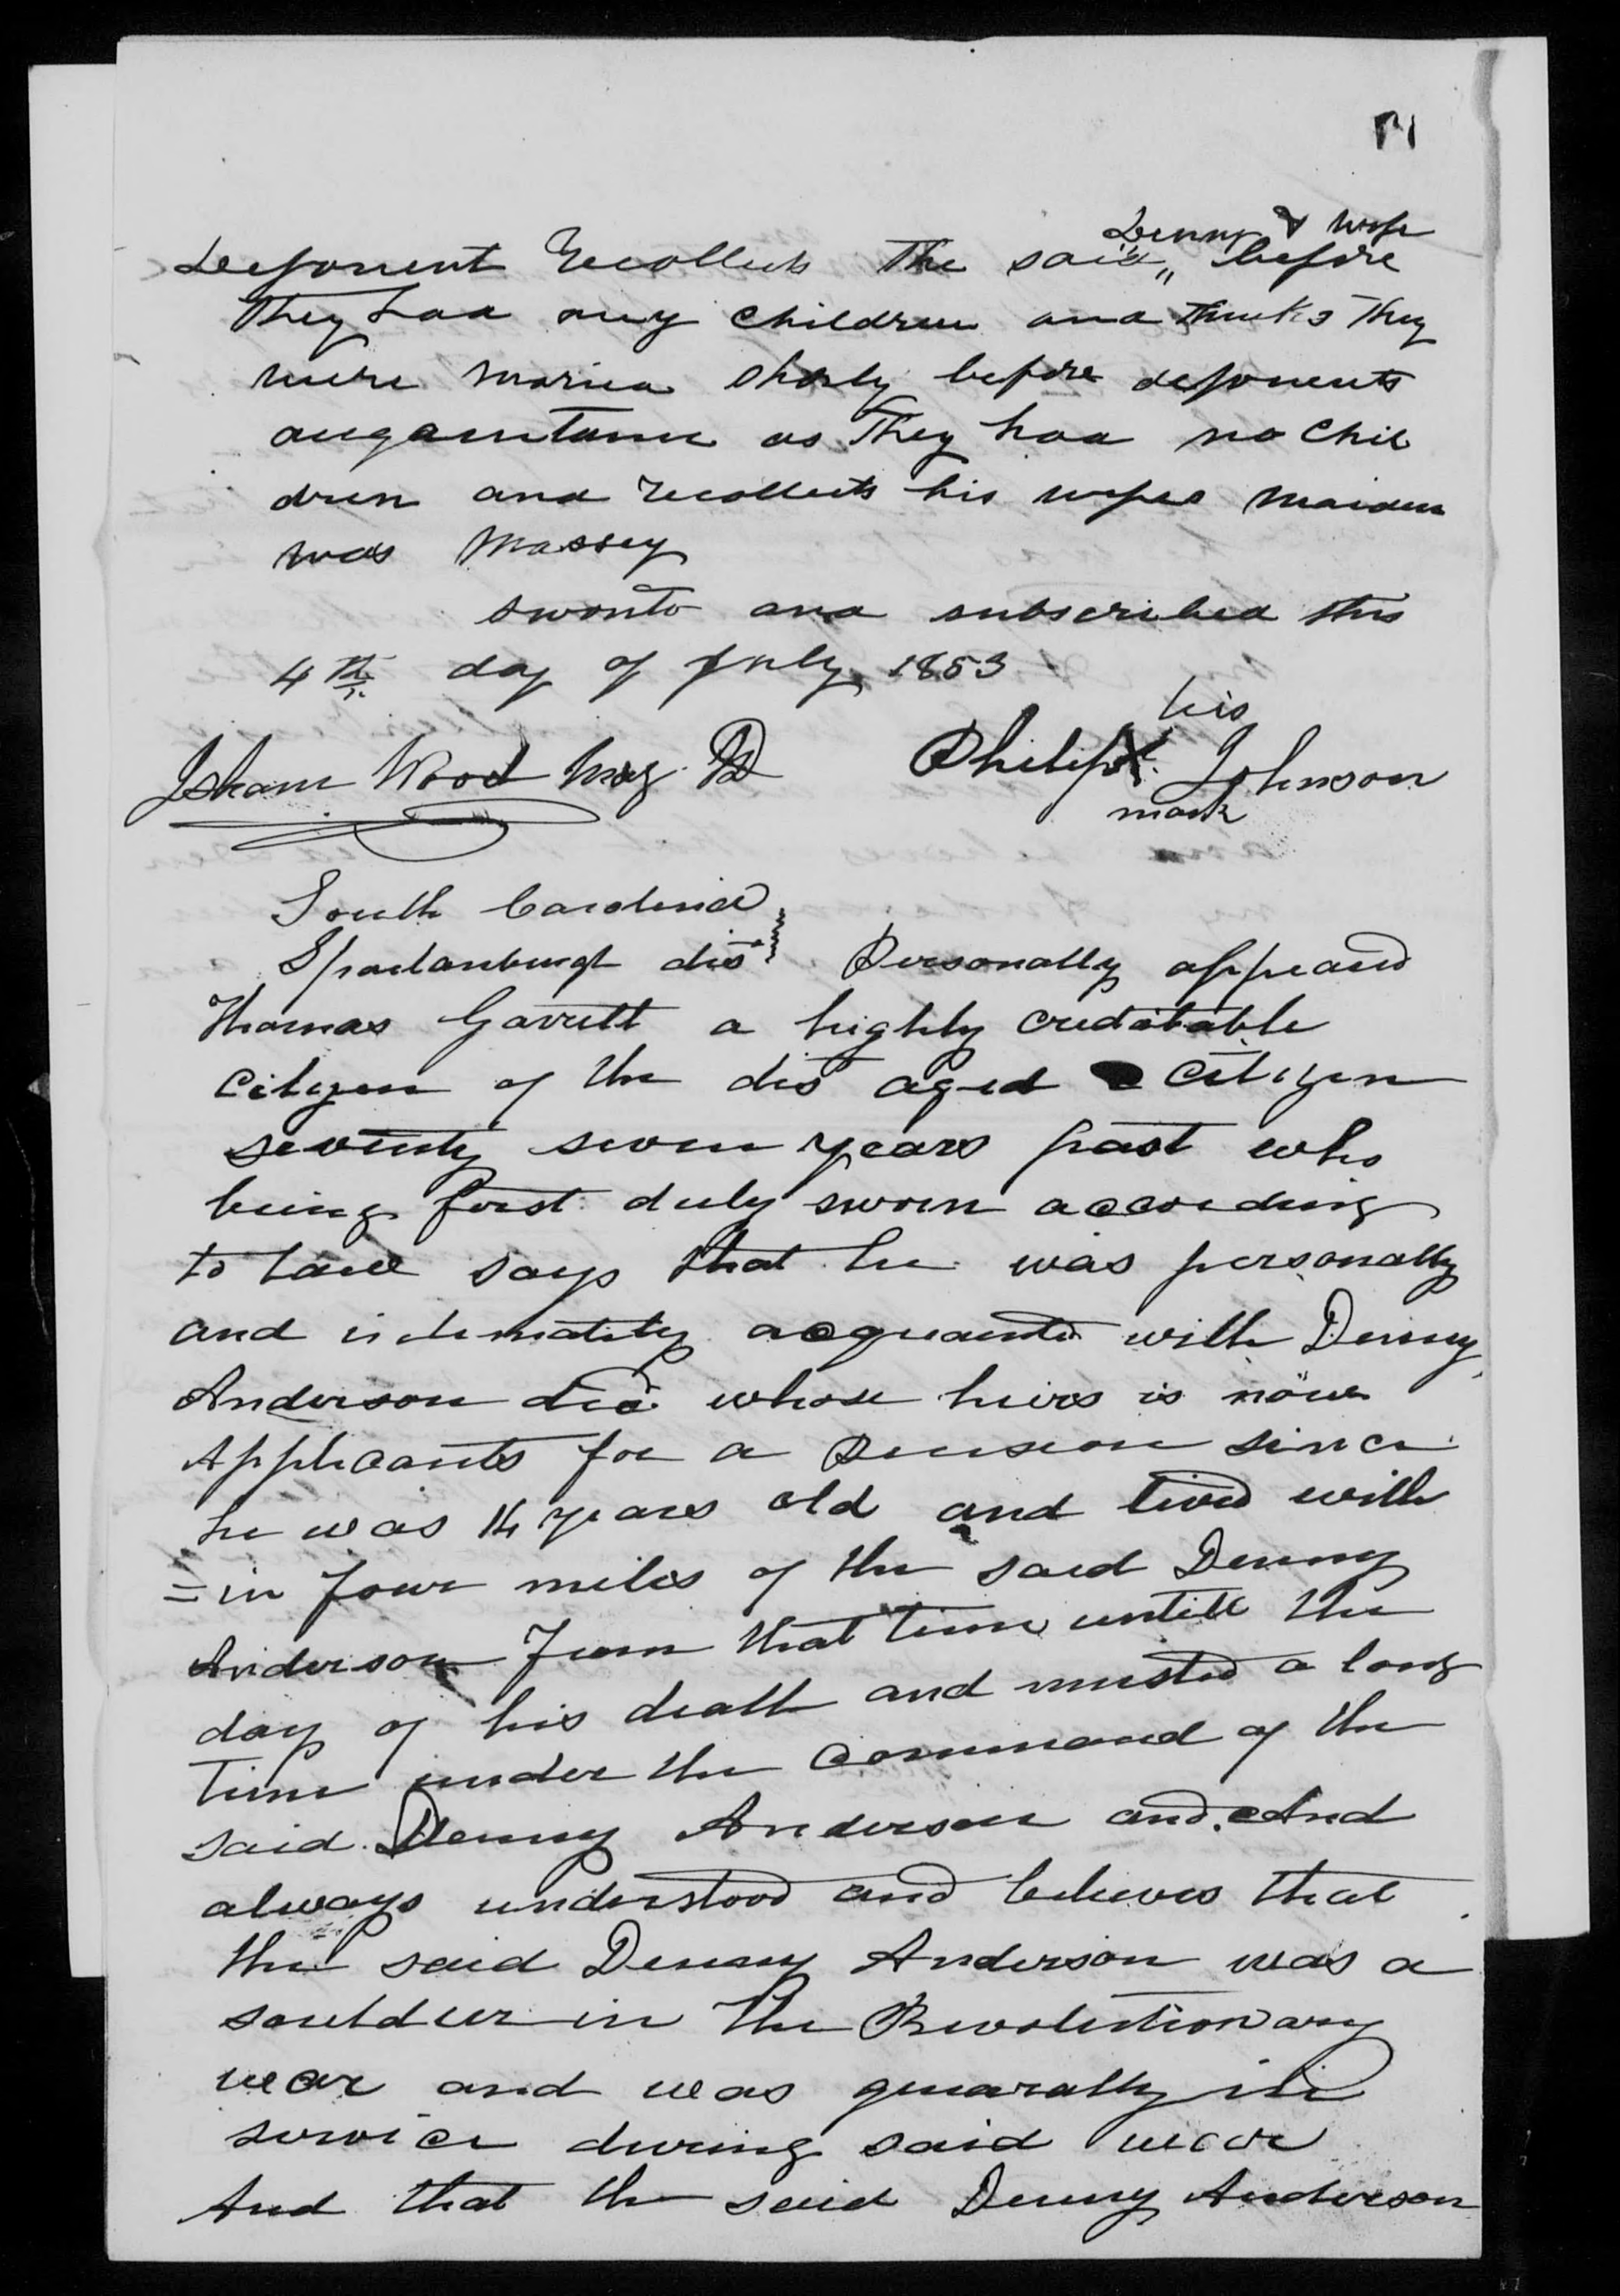Deponent recollects the said Denny & wife before they had any children and thinks they were married shortly before deponents acquaintance as they had no children and recollects his wifes maiden was Massey
Sworn to and subscribed this 4th day of July 1853
Isham Wood Mag. SD
Philip Johnson his mark X

South Carolina
Spartanburgh dis
Personally appeared Thomas Garrett a highly creditable citizen of the dist. aged citizen seventy seven years past who being first duly sworn according to law says that he was personally and intimately acquainted with Denny Anderson dcd. whose heirs is now Applicants for a pension since he was 14 years old and lived within four miles of the said Denny Anderson from that time untill the day of his death and resisted a long time under the command of the said Denny Anderson and. And always understood and believes that the said Denny Anderson was a soldier in the Revolutionary war and was generally in service during said war And that the said Denny Anderson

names: Denny Anderson, Denny Anderson, Denny Anderson, Isham Wood, Denny, Philip Johnson, Denny Anderson, Thomas Garrett, Denny Anderson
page: 7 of 51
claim: widow's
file: W. 9700, Denney Anderson, S.C.